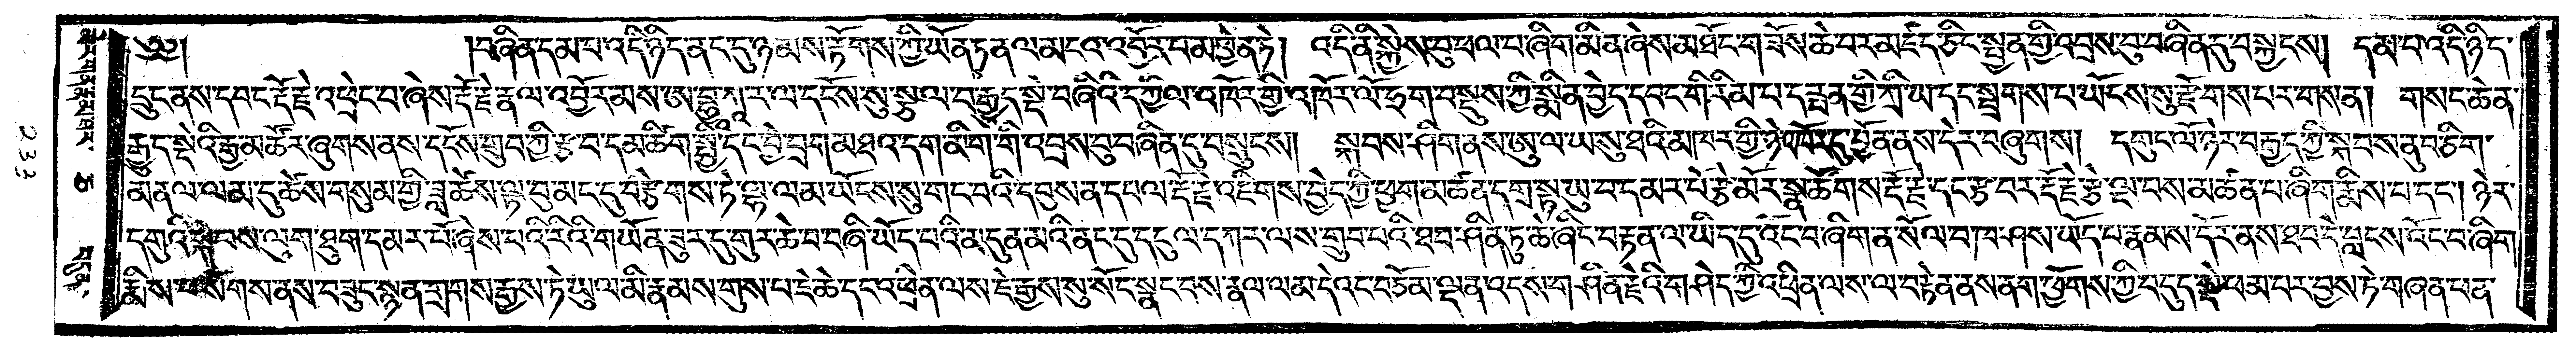༄༅། །བཞིན་དམ་པ་འདི་ཉིད་ནང་དུ་ཉམས་རྟོགས་ཀྱི་ཡོན་ཏན་ལ་མངའ་འབྱོར་བ་མཁྱེན་ཏེ། འདི་ནི་སྐྱེས་བུ་ཕལ་པ་ཞིག་མིན་ཞེས་མཐོང་གཟོས་ཆེ་བར་མཛད་ཅིང་སྤྱན་གྱི་འབྲས་བུ་བཞིན་དུ་བསྐྱངས། དམ་པ་འདི་ཉིད་
དྲུང་ནས་དབང་རྡོ་རྗེ་འཕྲེང་བ་ཞེས་རྡོ་རྗེ་རྣལ་འབྱོར་མས་ཨ་བྷྱཱ་ཀཱ་ར་ལ་དངོས་སུ་སྩལ་བ་རྒྱུད་སྡེ་བཞིའི་དཀྱིལ་འཁོར་གྱི་འཁོར་ལོ་ཧྲག་བསྡུས་ཀྱི་སྨིན་བྱེད་དབང་གི་རིམ་པ་དརྤན་གྱི་ཀྲི་ཡ་དང་སྦྲགས་པ་ཡོངས་སུ་རྫོགས་པར་གསན། གསང་ཆེན་
རྒྱུད་སྡེའི་རྒྱ་མཚོར་ཞུགས་ནས་དངོས་གྲུབ་ཀྱི་རྩ་བ་དམ་ཚིག་སྤྱི་དང་བྱེ་བྲག་མཐའ་དག་མིག་གི་འབྲས་བུ་བཞིན་དུ་བསྲུངས། སྐབས་ཤིག་ནས་ཨུ་ལ་ཡ་སུ་ཐའི་མཁར་གྱི་ཉེ་འཁོར་དུ་བྱོན་ནས་དེར་བཞུགས། དགུང་ལོ་ཉེར་བརྒྱད་ཀྱི་སྐབས་ནུབ་ཅིག་
མནལ་ལམ་དུ་ཚེས་གསུམ་གྱི་ཟླ་ཚེས་ལྟ་བུ་མང་དུ་བརྩེགས་ཏེ་ལྷ་ལམ་ཡོངས་སུ་གང་བའི་དབུས་ན་དཔལ་རྡོ་རྗེ་འཇིགས་བྱེད་ཀྱི་ཕྱག་མཚན་དགྲ་སྟ་ཡུ་བ་དམར་པོ་རྩེ་མོར་སྣ་ཚོགས་རྡོ་རྗེ་དང་རྩ་བར་རྡོ་རྗེ་རྩེ་ལྔ་པས་མཚན་པ་ཞིག་རྨིས་པ་དང་། ཉེར་
དགུའི་སྐབས་ལུག་ཐུག་དམར་པོ་ཞེས་པའི་རིའི་གཡོན་ཟུར་དུ་གུར་ཆེ་བ་བཞི་ཡོད་པའི་མདུན་མའི་ནང་དུ་དངུལ་དཀར་ལས་གྲུབ་པའི་ཐབ་ཤིན་ཏུ་ཆེ་ཞིང་བརྟན་ལ་ཡིད་དུ་འོང་བ་ཞིག་ན་སོལ་བ་ཁ་ཤས་ཡོད་པ་རྣམས་དོར་ནས་ཐབ་དེ་བླངས་འོང་བ་ཞིག་
རྨིས་པ་སོགས་ནས་བཟུང་སྙན་གྲགས་རྒྱས་ཏེ་ཡུལ་མི་རྣམས་གུས་པ་ཇེ་ཆེ་དང་འཕྲིན་ལས་རྗེ་རྒྱས་སུ་སོང་སྣང་བས་རྣལ་ལམ་དེའང་བཅོམ་ལྡན་འདས་གཤིན་རྗེའི་གཤེད་ཀྱི་འཕྲིན་ལས་ལ་བརྟེན་ནས་ནག་ཕྱོགས་ཀྱི་བདུད་སྡེ་ཕམ་བར་བྱས་ཏེ་གཞན་ཕན་